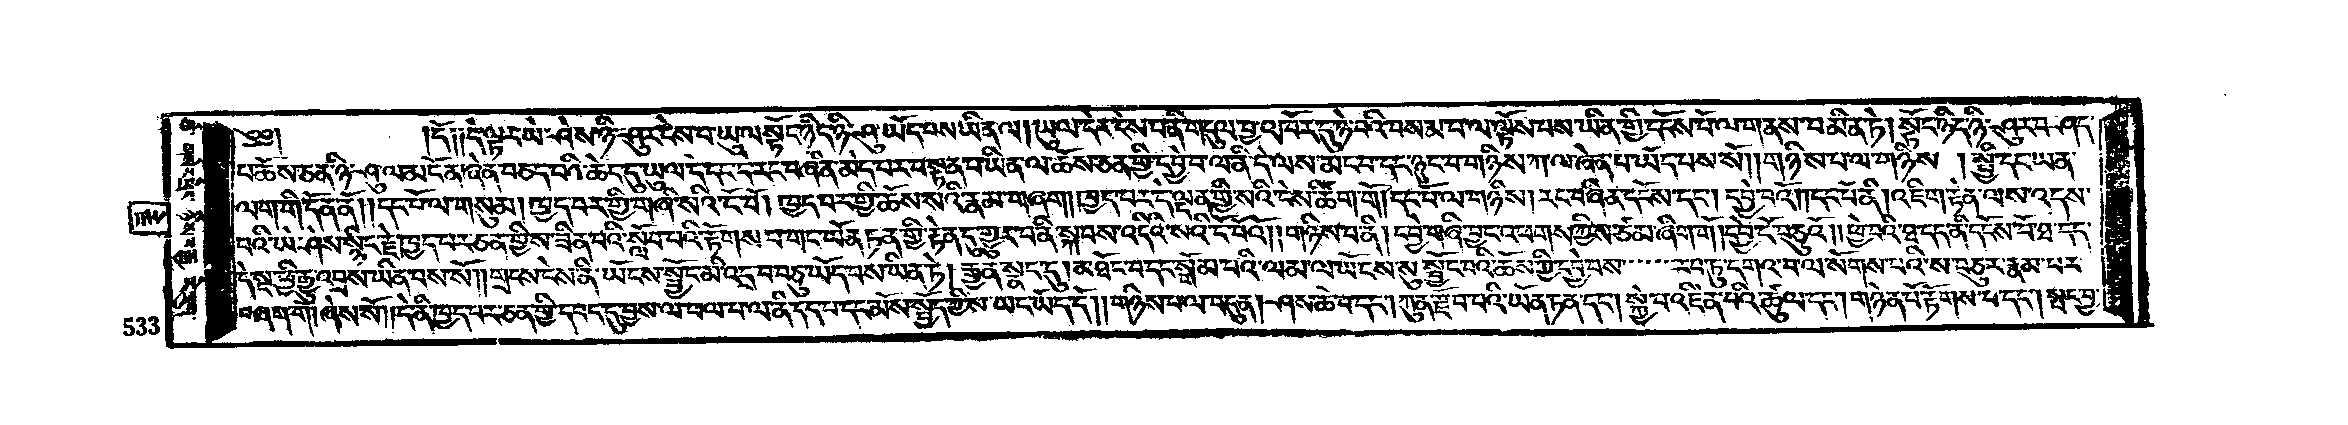༄༅། །དོ། །དེ་ལྟར་ཡེ་ཤེས་ཉི་ཤུར་ངེས་པ་ཡུལ་སྟོང་ཉིད་ཉི་ཤུ་ཡོད་པས་ཡིན་ལ། ཡུལ་དེར་ངེས་པ་ནི་གདུལ་བྱ་འཁོར་དུ་ཉེ་བའི་བསམ་པ་ལ་ལྟོས་པས་ཡིན་གྱི་དངོས་པོ་ལ་གནས་པ་མིན་ཏེ། སྟོང་ཉིད་ཉི་ཤུར་བཤད་
པ་ཆོས་ཅན་ཉི་ཤུ་ལ་མངོན་ཞེན་བཅད་པའི་ཆེད་དུ་ཡུལ་དེ་དང་དེ་རང་བཞིན་མེད་པར་བསྟན་པ་ཡིན་ལ་ཆོས་ཅན་གྱི་དབྱེ་བ་ལ་ནི་དེ་ལས་མང་བ་དང་ཉུང་བ་གཉིས་ཀ་ལ་ཞེན་པ་ཡོད་པས་སོ། །གཉིས་པ་ལ་གཉིས། སྤྱི་དང་ཡན་
ལག་གི་དོན་ནོ། །དང་པོ་ལ་གསུམ། ཁྱད་པར་གྱི་གཞི་སའི་ངོ་བོ། ཁྱད་པར་གྱི་ཆོས་སའི་རྣམ་གཞག །ཁྱད་པར་དེ་ལྡན་གྱི་སའི་ངེས་ཚིག་གོ །དང་པོ་ལ་གཉིས། རང་བཞིན་དངོས་དང་། དབྱེ་བའོ། །དང་པོ་ནི། འཇིག་རྟེན་ལས་འདས་
པའི་ཡེ་ཤེས་སྙིང་རྗེ་ཁྱད་པར་ཅན་གྱིས་ཟིན་པའི་སློབ་པའི་རྟོགས་པ་གང་ཡོན་ཏན་གྱི་རྟེན་དུ་གྱུར་པ་ནི་སྐབས་འདིའི་སའི་ངོ་བོའོ། །གཉིས་པ་ནི། དབྱེ་གཞི་བྱང་འཕགས་ཀྱིས་ཙམ་ཞིག་གོ །དབྱེ་ངོ་བཅུའོ། །ཕྱེ་བའི་ཐ་དད་ནི་དངོས་པོ་ཐ་དད་
དེ་སྔ་ཕྱི་རྒྱུ་འབྲས་ཡིན་པས་སོ། །གྲངས་ངེས་ནི་ཡོངས་སྦྱོང་མི་འདྲ་བ་བཅུ་ཡོད་པས་ཡིན་ཏེ། རྒྱན་སྣང་དུ། མཐོང་བ་དང་སྒོམ་པའི་ལམ་ལ་ཡོངས་སུ་སྦྱོང་བའི་ཆོས་ཀྱི་དབྱེ་བས་རབ་ཏུ་དགའ་བ་ལ་སོགས་པའི་ས་བཅུར་རྣམ་པར་
བཞག་གོ །ཞེས་སོ། །དེ་ནི་ཁྱད་པར་ཅན་གྱི་དབང་དུ་བྱས་ལ་ཕལ་པ་ལ་ནི་དད་པ་དང་མོས་སྤྱོད་ཀྱི་ས་ཡང་ཡོད་དོ། །གཉིས་པ་ལ་བདུན། ཤས་ཆེ་བ་དང་། ཀུན་རྫོབ་པའི་ཡོན་ཏན་དང་། སྐྱེ་བ་འཛིན་པའི་ཚུལ་དང་། གཉེན་པོ་རྟོགས་པ་དང་། སྤང་བྱ་